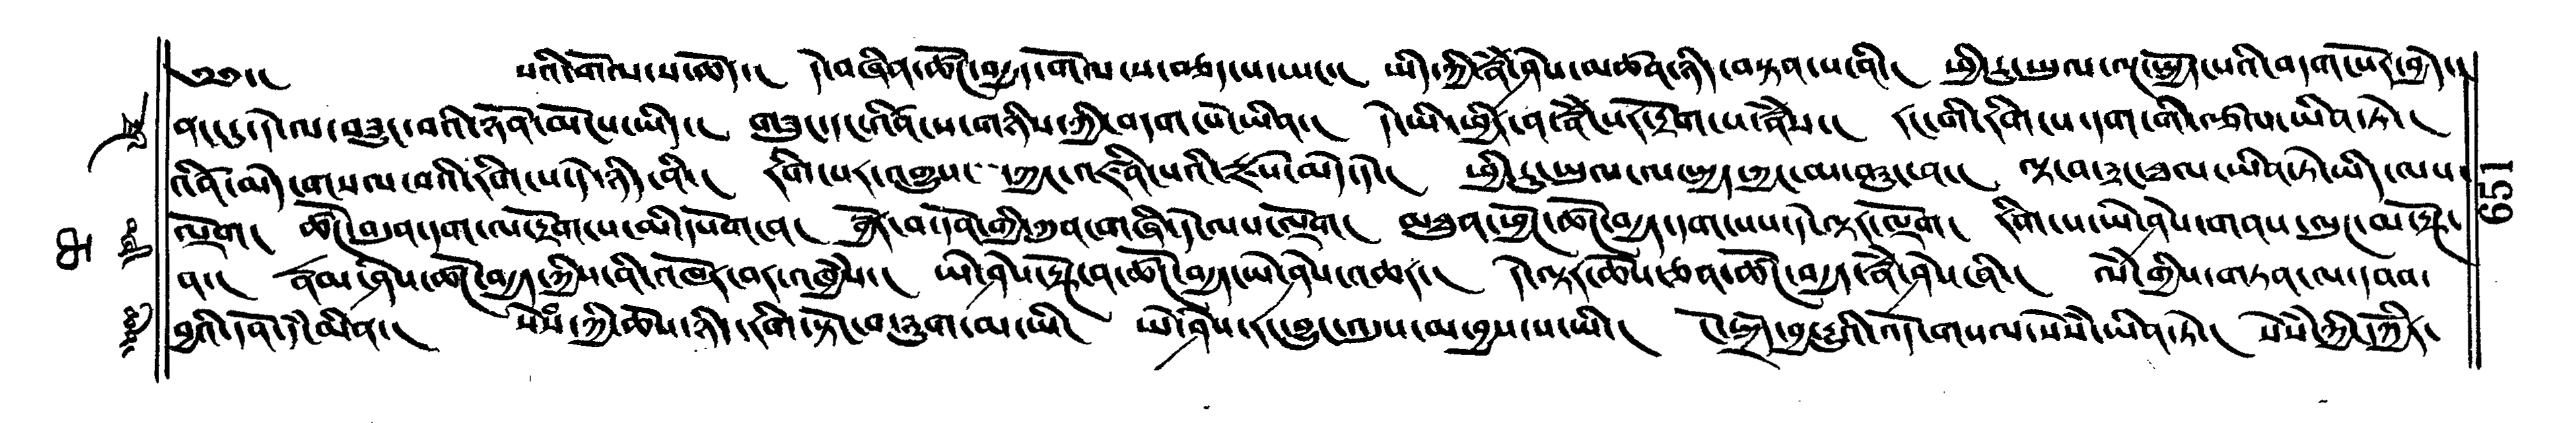པའི་གོལ་ས་ཆོད། །དེ་བཞིན་ཚོགས་བརྒྱད་གོལ་ས་བཅད་པ་ཡང་། །ཡིད་ཀྱི་རྣམ་ཤེས་མཚན་ཉིད་བསྟན་པ་ནི། །ཕྱི་རུ་ཡུལ་ལྔ་སྤྱོད་པའི་བདག་པོར་བྱེད། །
ནང་དུ་དེ་ལ་བཟུང་བའི་ཉོན་མོངས་ཡིད། །གཟུང་དང་འཛིན་པ་གཉིས་ཀྱི་བདག་པོ་ཡིན། །དེ་ཡི་ཕྱིར་ན་རྣམ་པར་རྟོག་པ་རྣམས། །རང་གི་རིག་པ་དག་གི་རྩལ་ཡིན་ཏེ། །
འཛིན་མེད་གསལ་བའི་རིག་པ་དེ་ཉིད་ནི། །རིག་པ་འགྱུས་ཀྱང་འཛིན་པའི་རྫས་མེད་དེ། །ཕྱི་རུ་ཡུལ་ལ་སྤྱད་ཀྱང་མ་བཟུང་ན། །ལྟ་བ་ཟང་ཐལ་ཡིན་ཏེ་ཡིད་ལས་
ལྡོག ཚོགས་བདུན་དག་ལ་རྟོག་པ་མི་དཔོག་ན། །སྦྱོར་བ་དོན་གྱི་ཀུན་གཞི་དེ་ལས་ལྡོག མཐུན་ཕྱོགས་ཚོགས་བརྒྱད་དག་པས་དེ་ལྟར་ལྡོག། །རིག་པ་ཡེ་ཤེས་གནས་ལུགས་མ་རྟོགས་
ན། །རྣམ་ཤེས་ཚོགས་བརྒྱད་ཀྱིས་ནི་འཁོར་བར་འཁྱམས། །ཡེ་ཤེས་རྟོགས་ན་ཚོགས་བརྒྱད་ཡེ་ཤེས་འཆར། །དེ་ལྟར་ཆོས་ཅན་ཚོགས་བརྒྱད་རྣམ་ཤེས་ནི། །ལམ་གྱིས་གཏན་ལ་དབབ་
བྱའི་དོན་དམ་ཡིན། །སེམས་ཀྱི་ཆོས་ཉིད་རིག་སྟོང་གཉུག་མ་ཡི། །ཡེ་ཤེས་རང་བྱུང་འདུས་མ་བྱས་པ་ཡི། །ངོ་སྤྲོད་བྱ་རྒྱུའི་འོད་གསལ་སེམས་ཡིན་ཏེ། །སེམས་ཀྱི་དཀྱིལ་འཁོར་